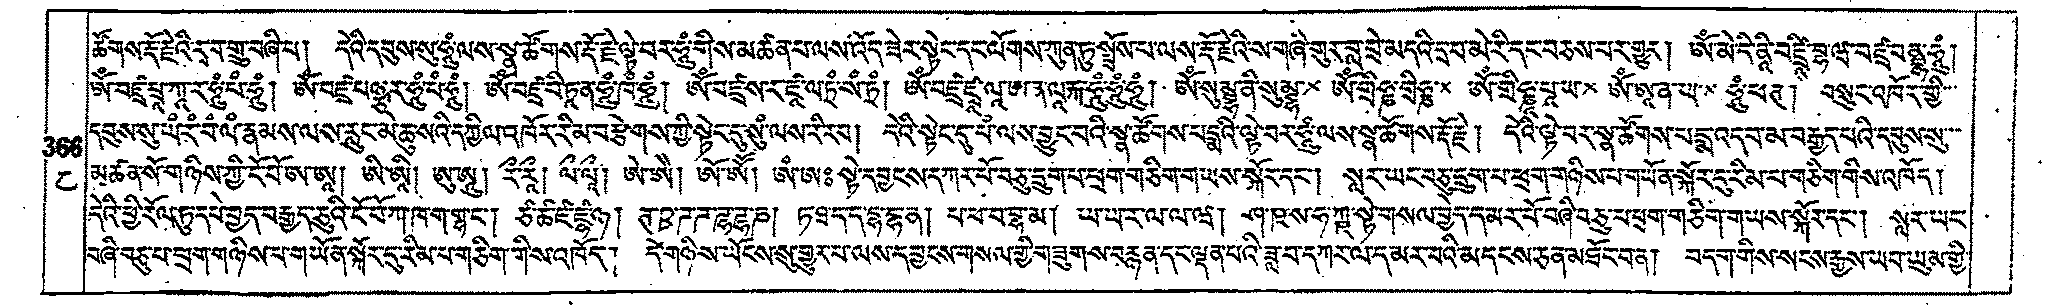ཚོགས་རྡོ་རྗེའི་རྭ་བ་གྲུ་བཞི་པ། དེའི་དབུས་སུ་ཧཱུཾ་ལས་སྣ་ཚོགས་རྡོ་རྗེ་ལྟེ་བར་ཧཱུཾ་གིས་མཚན་པ་ལས་འོད་ཟེར་སྟེང་དང་ལོགས་ཀུན་ཏུ་སྤྲོས་པ་ལས་རྡོ་རྗེའི་ས་གཞི་གུར་བླ་བྲེ་མདའི་དྲ་བ་མེ་རི་དང་བཅས་པར་གྱུར། ཨོཾ་མེ་དི་ནཱི་བཛྲཱི་བྷ་ཝ་བཛྲ་བནྡྷ་ཧཱུཾ།
ཨོཾ་བཛྲ་པྲཱ་ཀཱ་ར་ཧཱུཾ་པཾ་ཧཱུཾ། ཨོཾ་བཛྲ་པཉྩ་ར་ཧཱུཾ་པཾ་ཧཱུཾ། ཨོཾ་བཛྲ་བི་ཏཱ་ན་ཧཱུཾ་ཁཾ་ཧཱུཾ། ཨོཾ་བཛྲ་ས་ར་ཛཱ་ལ་ཏྲཾ་སཾ་ཏྲཾ། ཨོཾ་བཛྲ་ཛྭཱ་ལཱ་ཨ་ན་ལཱརྐ་ཧཱུཾ་ཧཱུཾ་ཧཱུཾ། ཨོཾ་སུམྦྷ་ནི་སུམྦྷ་྾་ཨོཾ་གྲིཧྞ་གྲིཧྞ་྾་ཨོཾ་གྲིཎཱ་པཱ་ཡ་྾་ཨོཾ་ཨཱ་ན་ཡ་྾་ཧཱུཾ་ཕཊ། བསྲུང་འཁོར་གྱི་་་
དབུས་སུ་ཡཾ་རཾ་བཾ་ལཾ་རྣམས་ལས་རླུང་མེ་ཆུ་སའི་དཀྱིལ་འཁོར་རིམ་བརྩེགས་ཀྱི་སྟེང་དུ་སུཾ་ལས་རི་རབ། དེའི་སྟེང་དུ་པཾ་ལས་བྱུང་བའི་སྣ་ཚོགས་པདམའི་ལྟེ་བར་ཧཱུཾ་ལས་སྣ་ཚོགས་རྡོ་རྗེ། དེའི་ལྟེ་བར་སྣ་ཚོགས་པདམ་འདབ་མ་བརྒྱད་པའི་དབུས་སུ་་་
མཚན་སོ་གཉིས་ཀྱི་ངོ་བོ་ཨ་ཨཱ། ཨི་ཨཱི། ཨུ་ཨཱུ། རྀ་རཱྀ། ལྀ་ལཱྀ། ཨེ་ཨཻ། ཨོ་ཨཽ། ཨཾ་ཨཿསྟེ་དབྱངས་དཀར་པོ་བཅུ་དྲུག་པ་ཕྲག་གཅིག་གཡས་སྐོར་དང་། སླར་ཡང་བཅུ་དྲུག་པ་ཕྲག་གཉིས་པ་གཡོན་སྐོར་དུ་རིམ་པ་གཅིག་གིས་འཁོད།
དེའི་ཕྱི་རོལ་ཏུ་དཔེ་བྱད་བརྒྱད་ཅུའི་ངོ་བོ་ཀ་ཁ་ག་གྷ་ང་། ཙ་ཚ་ཛ་ཛྷ་ཉ། ཊ་ཊཿཨ་ཌ་ཌ་ཌྷ་ཌྷ་ཎ། ཏ་ཐ་དད་ད་དྷ་དྷ་ན། པ་ཕ་བ་བྷ་མ། ཡ་ཡ་ར་ལ་ལ་ཝ། ཤ་ཥ་ས་ཧ་ཀྵ་སྟེ་གསལ་བྱེད་དམར་པོ་བཞི་བཅུ་པ་ཕྲག་གཅིག་གཡས་སྐོར་དང་། སླར་ཡང་
བཞི་བཅུ་པ་ཕྲག་གཉིས་པ་གཡོན་སྐོར་དུ་རིམ་པ་གཅིག་གིས་འཁོད། དེ་གཉིས་ཡོངས་སུ་གྱུར་པ་ལས་དབྱངས་གསལ་གྱི་གཟུགས་བརྙན་དང་ལྡན་པའི་ཟླ་བ་དཀར་ལ་དམར་བའི་མདངས་ཅན་མཐོང་བ་ན། བདག་གིས་སངས་རྒྱས་ཡབ་ཡུམ་གྱི་